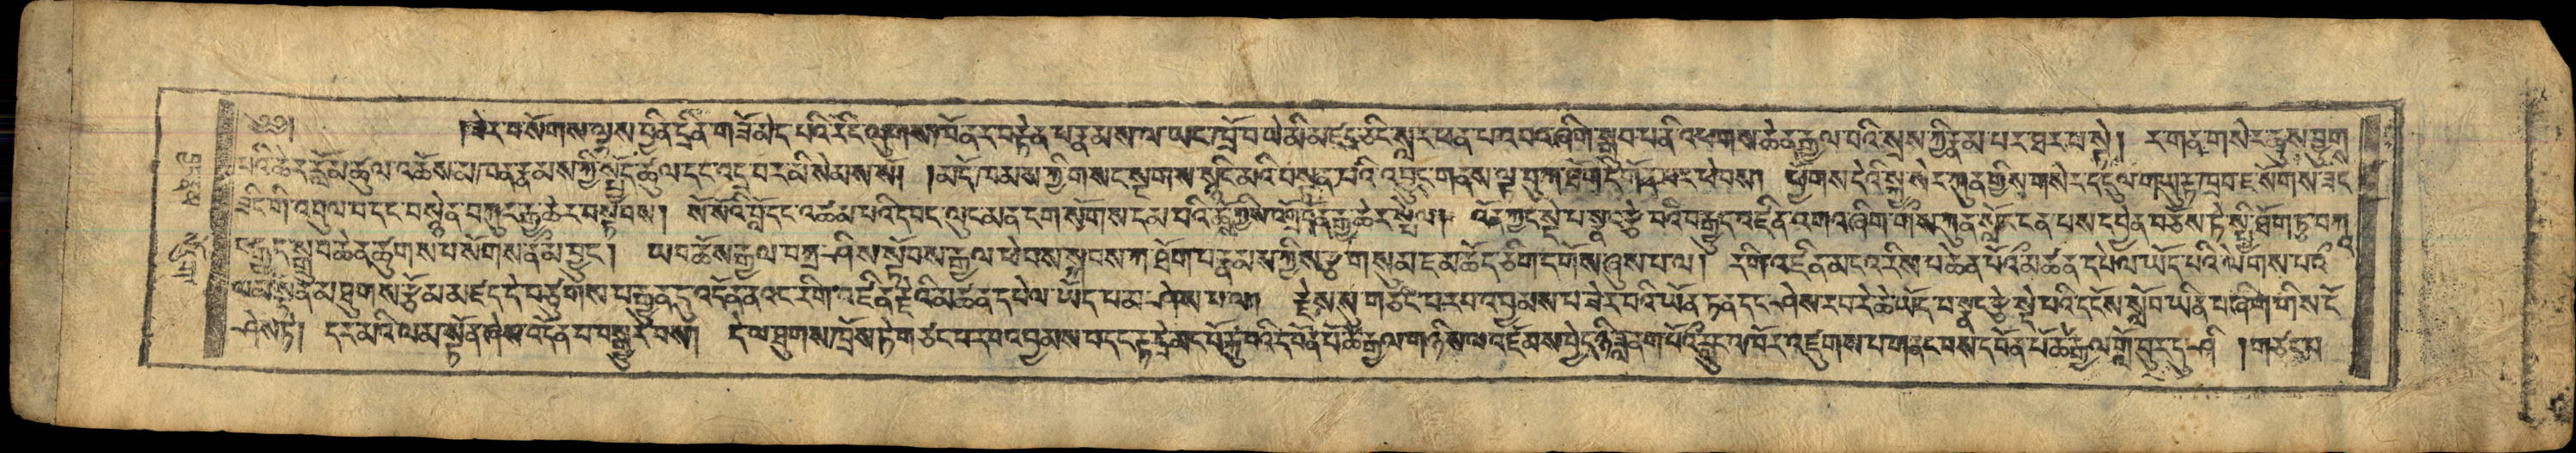༄༅། །ཟེར་བ་སོགས་ལྷས་བྱིན་དྲིན་གཟོ་མེད་པའི་རིང་ལུགས་ཁོ་ནར་བརྟེན་པ་རྣམས་ལ་ཡང་ཁྲོ་བ་ཡེ་མི་མཛད་ཅིང་སླར་ཕན་པ་འབའ་ཞིག་སྒྲུབ་པ་ནི་འཕགས་ཆེན་རྒྱལ་བའི་སྲས་ཀྱི་རྣམ་པར་ཐར་པ་སྟེ། ར་གན་གསེར་ཆུས་བྱུགས་
པའི་ཆེར་རློམ་ཚུལ་འཆོས་མཁན་རྣམས་ཀྱི་སྤྱོད་ཚུལ་དང་འདྲ་བར་མི་སེམས་སོ། །མདོ་ཁམས་ཀྱི་གསང་སྔགས་སྙིང་མའི་བསྟན་པའི་འབྱུང་གནས་ལྟ་བུ་ཀ་ཐོག་དགོན་པར་ཕེབས། ཕྱོགས་དེའི་སྐྱ་སེར་ཀུན་གྱིས་གསེར་དངུལ་གཡུ་རྟ་ཁྲབ་ཇ་སོགས་ཟང་
ཟིང་གི་འབུལ་བ་དང་བསྙེན་བཀུར་རྒྱ་ཆེར་བསྟབས། སོ་སོའི་བློ་དང་འཚམ་པའི་དབང་ལུང་མན་ངག་སོགས་དམ་པའི་ཆོས་ཀྱིས་འགྲོ་དོན་རྒྱ་ཆེར་སྤེལ། འོན་ཀྱང་སྡེ་པ་སྣང་རྩེ་བའི་བརྒྱུད་འཛིན་འགའ་ཞིག་གྀས་ཀུན་སློང་ངན་པས་དབྱེན་བཅོས་ཏེ་སྤྱི་ཐོག་ཏུ་བཀའ་
བརྒྱད་སྒྲུབ་ཆེན་ཚུགས་པ་སོགས་ནྀ་མ་བྱུང་། ཡབ་ཆོས་རྒྱལ་བཀྲ་ཤིས་སྟོབས་རྒྱལ་ཕེབས་སྐབས་ཀ་ཐོག་པ་རྣམས་ཀྱིས་རྩ་གསུམ་ཇ་མཆོད་ཅིག་དགོས་ཞུས་པ་ལ། རིག་འཛིན་མངའ་རིས་པ་ཆེན་པོཨཱྀ་མཚན་དཔེལ་ཡོད་པའི་ལེགས་པཱྀ་
ལམ་སྟོན་མ་ཐུགས་རྩོམ་མཛད་དེ་བཙུགས་པ་རྒྱུན་དུ་འདོན་ནའང་རིག་འཛིན་རྗེའི་མཚན་དཔེལ་ཡོད་པ་མ་ཤེས་པ་ལ། རྗེས་སུ་གཙང་པ་རབ་འབྱམས་པ་ཟེར་བའི་ཡོན་ཏན་དང་ཤེས་རབ་རེ་ཆེ་ཡོད་པ་སྣང་རྩེ་སྡེ་པའི་དངོས་སློབ་ཡིན་པ་ཞིག་གིས་ངོ་
ཤེས་ཏེ། དར་མའི་ལམ་སྟོན་ཞེས་འདོན་པ་བསྒྱུར་བས། དེ་ལ་ཐུགས་ཁྲོས་ཏེ་གཙང་པ་རབ་འབྱམས་པ་དང་རྟ་དྲེ་མང་པོ་རྐུ་བའི་དཔོན་པོ་ཚེ་རྒྱལ་གཉིས་ལ་འཇོམས་བྱེད་ཉི་ཟླ་ནག་པོའི་རླུང་འཁོར་འཛུགས་པ་གནང་བས་དཔོན་པོ་ཚེ་རྒྱལ་གློ་བུར་དུ་ཤི་།གཙང་པ་